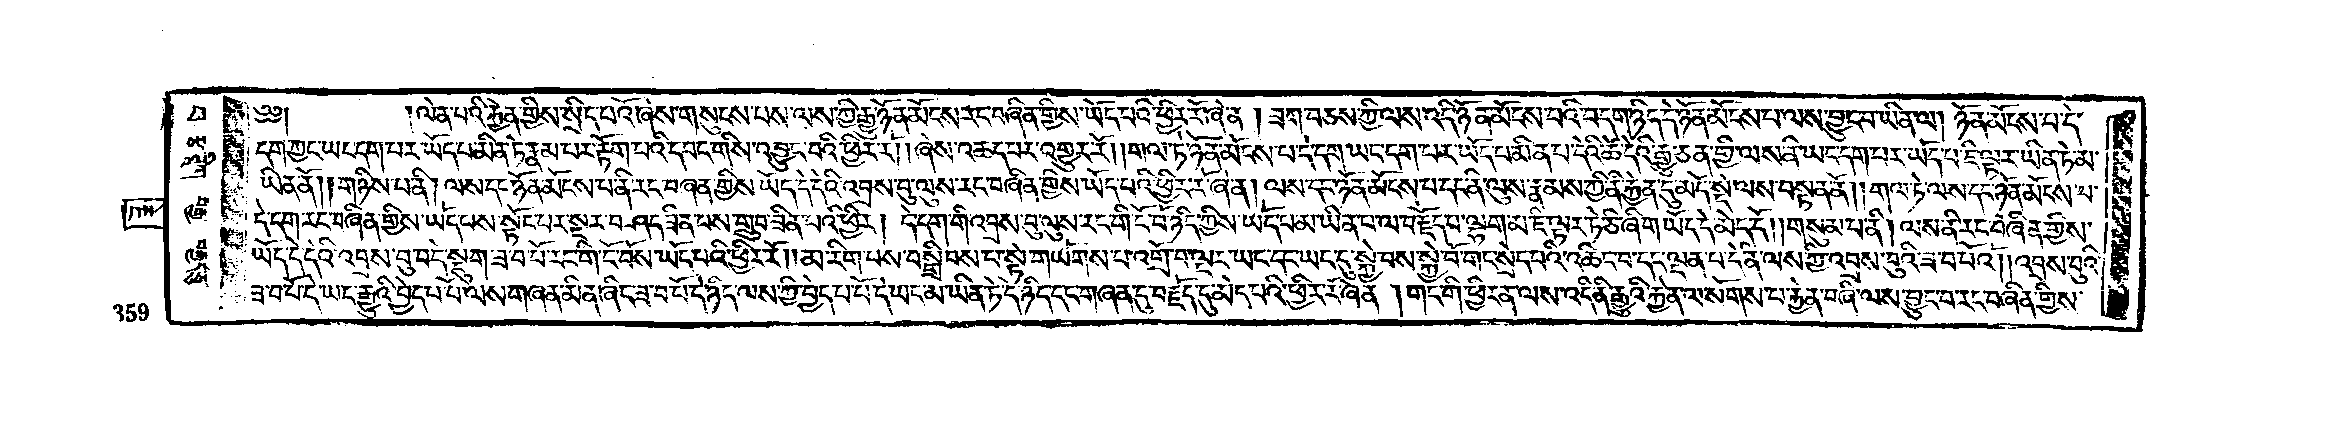༄༅། །ལེན་པའི་རྐྱེན་གྱིས་སྲིད་པའོ་ཞེས་གསུངས་པས་ལས་ཀྱི་རྒྱུ་ཉོན་མོངས་རང་བཞིན་གྱིས་ཡོད་པའི་ཕྱིར་རོ་ཞེ་ན། ཟག་བཅས་ཀྱི་ལས་འདི་ཉོན་མོངས་བའི་བདག་ཉིད་དེ་ཉོན་མོངས་པ་ལས་བྱུང་བ་ཡིན་ལ། ཉོན་མོངས་པ་དེ་
དག་ཀྱང་ཡང་དག་པར་ཡོད་པ་མིན་ཏེ་རྣམ་པར་རྟོག་པའི་དབང་གིས་འབྱུང་བའི་ཕྱིར་རོ། །ཞེས་འཆད་པར་འགྱུར་རོ། །གལ་ཏེ་ཉོན་མོངས་པ་དེ་དག་ཡང་དག་པར་ཡོད་པ་མིན་པ་དེའི་ཚེ་དེའི་རྒྱུ་ཅན་གྱི་ལས་ནི་ཡང་དག་པར་ཡོད་པ་ཇི་ལྟར་ཡིན་ཏེ་མ་
ཡིན་ནོ། །གཉིས་པ་ནི། ལས་དང་ཉོན་མོངས་པ་ནི་རང་བཞིན་གྱིས་ཡོད་དེ་དེའི་འབྲས་བུ་ལུས་རང་བཞིན་གྱིས་ཡོད་པའི་ཕྱིར་རོ་ཞེ་ན། ལས་དང་ཉོན་མོངས་པ་དང་ནི་ལུས་རྣམས་ཀྱི་ནི་རྐྱེན་དུ་མདོ་སྡེ་ལས་བསྟན་ནོ། །གལ་ཏེ་ལས་དང་ཉོན་མོངས་པ་
དེ་དག་རང་བཞིན་གྱིས་ཡོད་པས་སྟོང་པར་སྔར་བཤད་ཟིན་པས་གྲུབ་ཟིན་པའི་ཕྱིར། དེ་དག་གི་འབྲས་བུ་ལུས་རང་གི་ངོ་བོ་ཉིད་ཀྱིས་ཡོད་པ་མ་ཡིན་པ་ལ་བརྗོད་པ་ལྷག་མ་ཇི་ལྟར་ཏེ་ཅི་ཞིག་ཡོད་དེ་མེད་དོ། །གསུམ་པ་ནི། ལས་ནི་རང་བཞིན་གྱིས་
ཡོད་དེ་དེའི་འབྲས་བུ་བདེ་སྡུག་ཟ་བ་པོ་རང་གི་ངོ་བོས་ཡོད་པའི་ཕྱིར་རོ། །མ་རིག་པས་བསྒྲིབས་པ་སྟེ་གཡོགས་པ་འགྲོ་བ་ལྔར་ཡང་དང་ཡང་དུ་སྐྱེ་བས་སྐྱེ་བོ་གང་སྲེད་པའི་འཆིང་བ་དང་ལྡན་པ་དེ་ནི་ལས་ཀྱི་འབྲས་བུའི་ཟ་བ་པོའོ། །འབྲས་བུའི་
ཟ་བ་པ་དེ་ཡང་རྒྱུའི་བྱེད་པ་པོ་ལས་གཞན་མིན་ཞིང་ཟ་བ་པོ་དེ་ཉིད་ལས་ཀྱི་བྱེད་པ་པོ་དེ་ཡང་མ་ཡིན་ཏེ་དེ་ཉིད་དང་གཞན་དུ་བརྗོད་དུ་མེད་པའི་ཕྱིར་རོ་ཞེ་ན། གང་གི་ཕྱིར་ན་ལས་འདི་ནི་རྒྱུའི་རྐྱེན་ལ་སོགས་པ་རྐྱེན་བཞི་ལས་བྱུང་བ་རང་བཞིན་གྱིས་